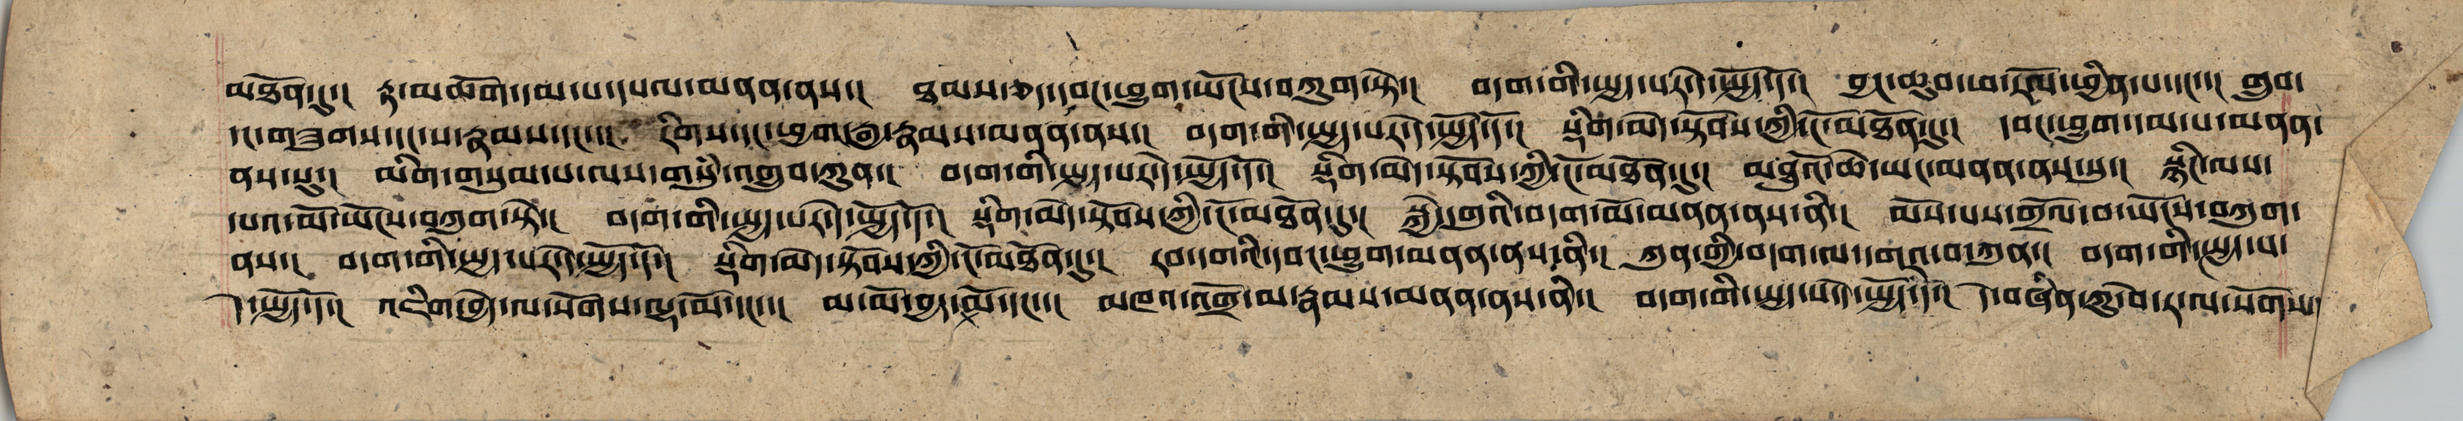མཐོན་དུ་། རྟ་མཆོག་དམ་པ་དཔལ་མནན་ནས་། ཐམས་ཅད་དབང་ཕྱུག་ཡོངས་བཀུག་སྟེ་། བདག་གི་སྤྱད་པར་དེ་སྤྱོད་དོ་། བྱང་ཆུབ་ཕ་རོལ་ཕྱིན་པ་དང་་། གྲུབ་
དང་གཟུགས་དང་ས་རྣམས་དང་་། རིགས་དང་ཕྱག་རྒྱ་རྣམས་མནན་ནས་། བདག་གི་སྤྱད་པར་དེ་སྤྱོད་དོ་། སྡིག་མེད་སྟོབས་ཀྱི་ངོ་མཐོན་དུ་། དབང་ཕྱུག་དམ་པ་མནན་
ནས་སུ་། མིག་གསུམ་པ་ལས་གསུཾ་འགྲུབ་ཀུན་། བདག་གི་སྤྱད་པར་དེ་སྤྱོད་དོ་། སྡིག་མེད་སྟོབས་ཀྱི་ངོ་མཐོན་དུ་། མཐུའོ་ཆེ་ཡང་མནན་ནས་སུ་། སྙིང་ལས་
དཔའ་མོ་ཡོངས་བཀུག་སྟེ་། བདག་གི་སྤྱད་པར་དེ་སྤྱོད་དོ་། སྡིག་མེད་སྟོབས་ཀྱི་ངོ་མཐོན་དུ་། སྐྱེ་དགུའི་བདག་མོ་མནན་ནས་ནི་། མོས་པས་གྲོལ་བ་ཡོངས་བཀུག་
ནས་། བདག་གི་སྤྱད་པར་དེ་སྤྱོད་དོ་། སྡིག་མེད་སྟོབས་ཀྱི་ངོ་མཐོན་དུ་། རབ་དགའི་དབང་ཕྱུག་མནན་ནས་ནི་། ཀུན་གྱི་བདག་ལ་དགའ་བ་ཀུན་། བདག་གི་སྤྱད་པ་
དེ་སྤྱོད་དོ་། འཇིག་བྱེད་ལ་སོགས་ལྷ་མོ་དང་་། མ་མོ་བྱད་མོ་དང་་། མཁའ་འགྲོ་མ་རྣམས་མནན་ནས་ནི་། བདག་གི་སྤྱད་པ་དེ་སྤྱོད་དོ་། དེ་བཞིན་ཀུ་བེ་ར་ལ་སོགས་།